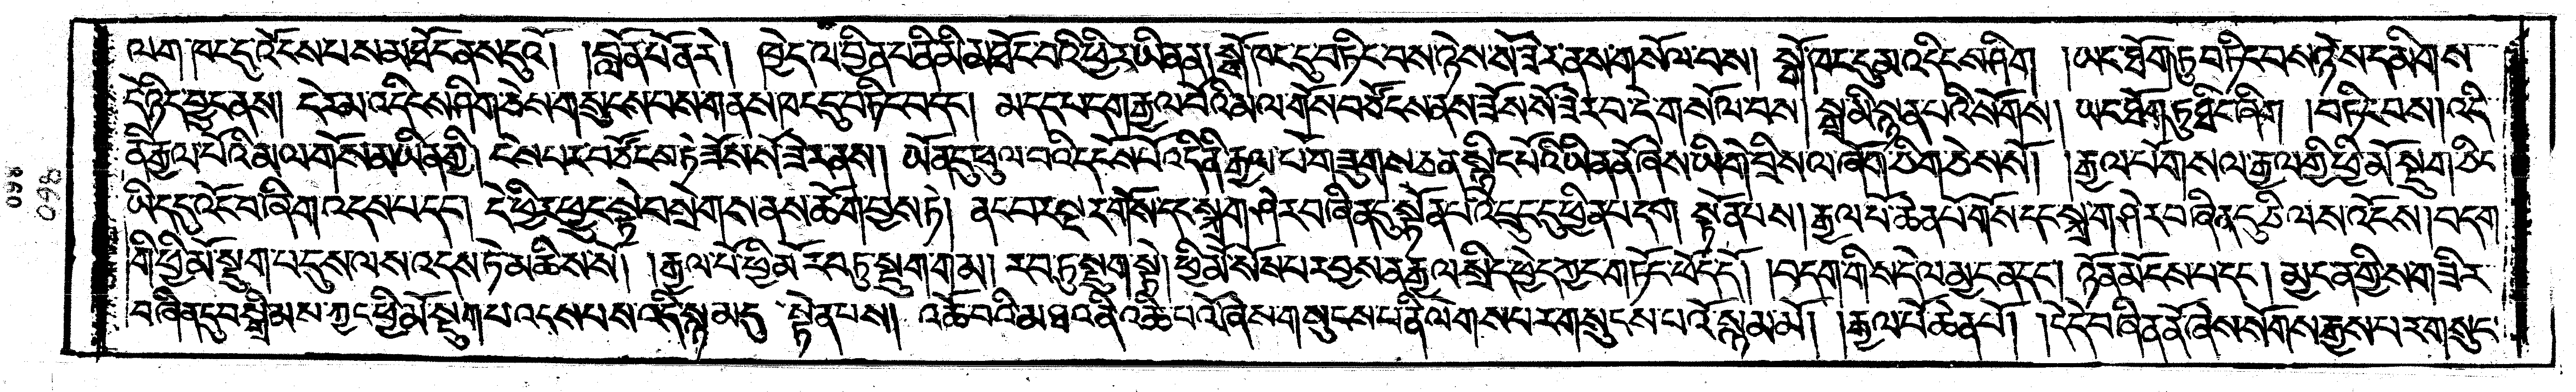ལག་ཁང་དུ་འོངས་པས་མཐོང་ནས་དུའོ། །བློན་པོ་ན་རེ། ཁྱེད་ལ་བྱིན་པ་ནི་མི་མཐོང་བའི་ཕྱིར་ཡིན་ན། སྒོ་ཁང་དུ་བཏིང་བས་ཉེས་སོ་ཟེར་ནས་གསོལ་བས། སྒོ་ཁང་དུ་མ་འདིངས་ཤིག །ཡང་ཐོག་ཏུ་བཏིང་བས་ཉེས་དམིགས་
དེ་ཉིད་བྱུང་ནས། དེར་མ་འདིངས་ཤིག་ཅེས་གསུངས་པས་གནས་ཁང་དུ་བཏིང་བ་དང་། མ་དང་པ་དག་རྒྱལ་བོའི་མལ་གོས་བཙོངས་ནས་ཟོས་སོ་ཟེར་བ་དེ་གསོལ་བས། སྒྲ་མི་སྙན་པའི་སོགས། ཡང་ཐོག་ཏུ་ཐིང་ཞིག །བཏིང་བས། འདི་
ནི་རྒྱལ་པོའི་མལ་གོས་མ་ཡིན་གྱི། ངེས་པར་བཙོངས་ཏེ་ཟོས་སོ་ཟེར་ནས། ཡོན་དུ་ཕུལ་བའི་དངོས་པོ་འདི་ནི་རྒྱལ་པོ་གཟུགས་ཅན་སྙིང་པོའི་ཡིན་ནོ་ཞེས་ཡི་གེ་བྲིས་ལ་ཞོག་ཅིག་ཅེས་སོ། །རྒྱལ་པོ་གསལ་རྒྱལ་གྱི་ཕྱི་མོ་སྡུག་ཅིང་
ཡིད་དུ་འོང་བ་ཞིག་འདས་པ་དང་། དེ་ཕྱིར་ཕྱུང་སྟེ་བསྲེགས་ནས་ཆོ་ག་བྱས་ཏེ། ནང་བར་སྔར་གོས་དང་སྐྲ་གཤེར་བཞིན་དུ་སྟོན་པའི་དྲུང་དུ་ཕྱིན་པ་དག་སྟོན་པས། རྒྱལ་པོ་ཆེན་པོ་གོས་དང་སྐྲ་གཤེར་བཞིན་དུ་ཅི་ལས་འོངས། བདག་
གི་ཕྱི་མོ་སྡུག་པ་དུས་ལས་འདས་ཏེ་མཆིས་སོ། །རྒྱལ་པོ་ཕྱི་མོ་རབ་ཏུ་སྡུག་གམ། རབ་ཏུ་སྡུག་སྟེ། ཕྱི་མོ་སོས་པར་བྱས་ན་རྒྱལ་སྲིད་ཕྱེད་ཀྱང་གཏོང་ཕོད་དོ། །བདག་གིས་དེ་ལ་མྱ་ངན་ན་དང་། ཉོན་མོངས་པ་དང་། མྱ་ངན་གྱིས་གཟིར་
བཞིན་དུ་བསྒྲིམས་ཀྱང་ཕྱི་མོ་སྡུག་པ་འངས་པས་འདི་སྙམ་དུ་སྟེན་པས། འཆོ་བའི་མཐའ་ནི་འཆི་པའོ་ཞེས་གསུངས་པ་ནི་ལེགས་པར་གསུངས་པའོ་སྙམ་མོ། །རྒྱལ་པོ་ཆེན་པོ། །དེ་དེ་བཞིན་ནོ་ཞེས་སོགས་རྒྱས་པར་གསུང་